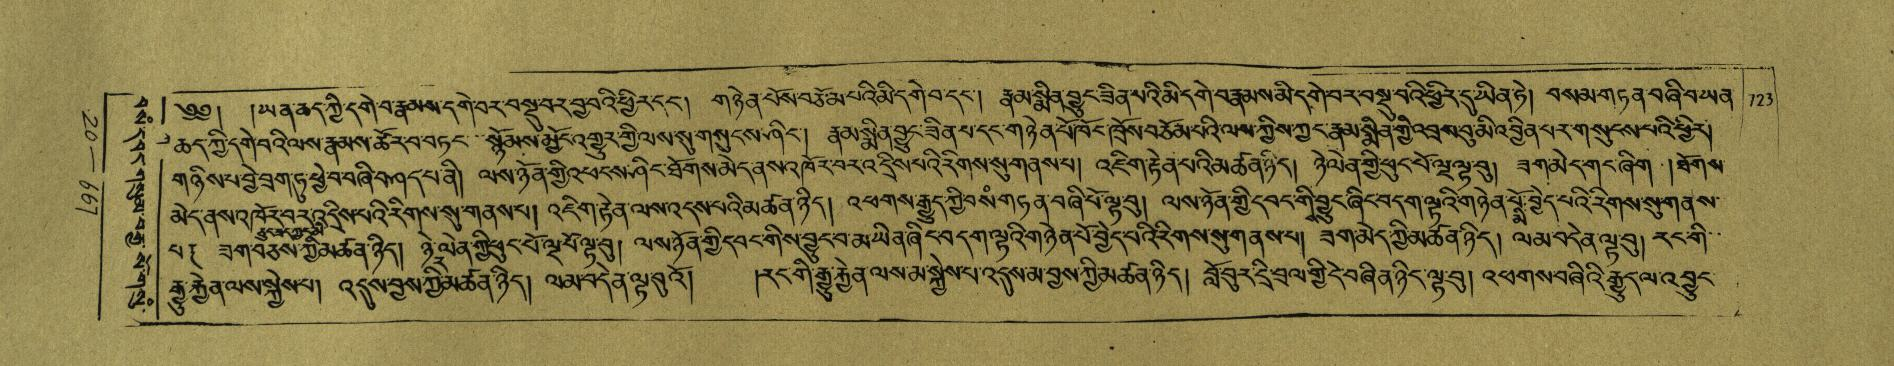༄༅། །ཡན་ཆད་ཀྱི་དགེ་བ་རྣམས་དགེ་བར་བསྡུ་བར་བྱ་བའི་ཕྱིར་དང་། གཉེན་པོས་བཅོམ་པའི་མི་དགེ་བ་དང་། རྣམ་སྨིན་བྱུང་ཟིན་པའི་མི་དགེ་བ་རྣམས་མི་དགེ་བར་བསྡུ་བའི་ཕྱིར་དུ་ཡིན་ཏེ། བསམ་གཏན་བཞི་བ་ཡན་
ཆད་ཀྱི་དགེ་བའི་ལས་རྣམས་ཚོར་བ་བཏང་སྙོམས་མྱོང་འགྱུར་གྱི་ལས་སུ་གསུངས་ཤིང་། རྣམ་སྨིན་བྱུང་ཟིན་པ་དང་གཉེན་པོ་ཁོང་ཁྲོས་བཅོམ་པའི་ལས་ཀྱིས་ཀྱང་རྣམ་སྨིན་གྱི་འབྲས་བུ་མི་འབྱིན་པར་གསུངས་པའི་ཕྱིར།
གཉིས་པ་བྱེ་བྲག་ཏུ་ཕྱེ་བ་བཞི་བཤད་པ་ནི། ལས་ཉོན་གྱི་འཕངས་ཤིང་ཐོགས་མེད་ནས་འཁོར་བར་འདྲིས་པའི་རིགས་སུ་གནས་པ། འཇིག་རྟེན་པའི་མཚན་ཉིད། ཉེ་ལེན་གྱི་ཕུང་པོ་ལྔ་ལྟ་བུ། ཟག་མེད་གང་ཞིག །ཐོགས་
མེད་ནས་འཁོར་བར་འདྲིས་པའི་རིགས་སུ་གནས་པ། འཇིག་རྟེན་ལས་འདས་པའི་མཚན་ཉིད། འཕགས་རྒྱུད་ཀྱི་བསམ་གཏན་བཞི་པོ་ལྟ་བུ། ལས་ཉོན་གྱི་དབང་གིས་བྱུང་ཞིང་བདག་ལྟའི་གཉེན་པོ་མི་བྱེད་པའི་རིགས་སུ་གནས་
པ༑ ཟག་བཅས་ཀྱི་མཚན་ཉིད། ཉེར་ལེན་ཀྱི་ཕུང་པོ་ལྔ་པོ་ལྟ་བུ། ལས་ཉོན་གྱི་དབང་གིས་བྱུང་བ་མ་ཡིན་ཞིང་བདག་ལྟའི་གཉེན་པོ་བྱེད་པའི་རིགས་སུ་གནས་པ། ཟག་མེད་ཀྱི་མཚན་ཉིད། ལམ་བདེན་ལྟ་བུ། རང་གི་
རྒྱུ་རྐྱེན་ལས་སྐྱེས་པ། འདུས་བྱས་ཀྱི་མཚན་ཉིད། ལམ་བདེན་ལྟ་བུའོ། །རང་གི་རྒྱུ་རྐྱེན་ལས་མ་སྐྱེས་པ་འདུས་མ་བྱས་ཀྱི་མཚན་ཉིད། བློ་བུར་དྲི་བྲལ་གྱི་དེ་བཞིན་ཉིད་ལྟ་བུ། འཕགས་བཞིའི་རྒྱུད་ལ་འབྱུང་